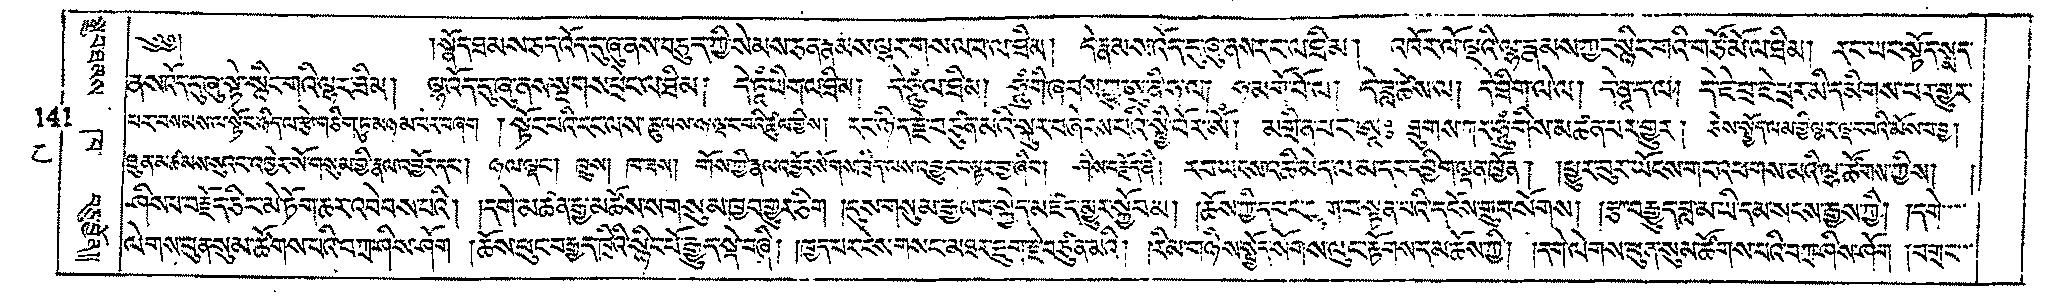༄༅། །སྣོད་ཐམས་ཅད་འོད་དུ་ཞུ་ནས་བཅུད་ཀྱི་སེམས་ཅན་རྣམས་ལྷར་གསལ་བ་ལ་ཐིམ། དེ་རྣམས་འོད་དུ་ཞུ་ནས་རང་ལ་ཐིམ། འཁོར་ལོ་ལྔའི་ལྷ་རྣམས་ཀྱང་སྙིང་གའི་གཙོ་མོ་ལ་ཐིམ། རང་ཡང་སྟོད་སྨད་
ནས་འོད་དུ་ཞུ་སྟེ་སྙིང་གའི་ལྷར་ཐིམ། ལྷ་འོད་དུ་ཞུ་ནས་སྔགས་ཕྲེང་ལ་ཐིམ། དེ་ཏཱཾ་ཡིག་ལ་ཐིམ། དེ་ཧཱུཾ་ལ་ཐིམ། ཧཱུཾ་གི་ཞབས་ཀྱུ་ཨུ་ནི་ཧ་ལ། ཧ་མགོ་བོ་ལ། དེ་ཟླ་ཚེས་ལ། དེ་ཐིག་ལེ་ལ། དེ་ནཱ་ད་ལ། དེ་ཇེ་ཕྲ་ཇེ་ཕྲར་མི་དམིགས་པར་གྱུར་
པར་བསམས་ལ་སྟོང་ཉིད་ལ་རྩེ་གཅིག་ཏུ་མཉམ་པར་བཞག་།སྟོང་པའི་ངང་ལས་ཆུ་ལས་ཉ་ལྡང་བའི་ཚུལ་གྱིས།  རང་ཉིད་རྗེ་བཙུན་མའི་སྐུར་བཞེངས་པའི་སྤྱི་བོར་ཨོཾ། མགྲིན་པར་ཨཱཿ ཐུགས་ཀར་ཧཱུཾ་གིས་མཚན་པར་གྱུར། ཅེས་སྤྱོད་ལམ་གྱི་ལྷར་ལྡང་བའི་མོས་པ་བྱ།
ཐུན་མཚམས་སུའང་འཁྱེར་སོ་གསུམ་གྱི་རྣལ་འབྱོར་དང་། ཉལ་ལྡང་། ཁྲུས། ཁ་ཟས། གོས་ཀྱི་རྣལ་འབྱོར་སོགས་ཁྲིད་ལས་འབྱུང་བ་ལྟར་བྱ་ཞིང་། ཤིས་བརྗོད་ནི། རབ་ཡངས་འཆི་མེད་ལམ་དང་དབྱིག་ལྡན་ཁྱོན། །ཕྱུར་བུར་ཡོངས་གང་འཕགས་མའི་ལྷ་ཚོགས་ཀྱིས། །
ཤིས་པ་བརྗོད་ཅིང་མེ་ཏོག་ཆར་འབེབས་པའི། །དགེ་མཚན་རྒྱ་མཚོས་ས་གསུམ་ཁྱབ་གྱུར་ཅིག །དུས་གསུམ་རྒྱལ་བ་སྐྱེད་མཛད་མྱུར་སྐྱོབ་མ། །ཆོས་ཀྱི་དབང་བྱུག་བསྟན་པའི་དངོས་གྲུབ་སོགས། །རྩ་བརྒྱུད་བླ་མ་ཡི་དམ་སངས་རྒྱས་ཀྱི། །དགེ་་་
ལེགས་ཕུན་སུམ་ཚོགས་པའི་བཀྲ་ཤིས་ཤོག །ཆོས་ཕུང་བརྒྱད་ཁྲིའི་སྙིང་པོ་རྒྱུད་སྡེ་བཞི། །ཁྱད་པར་ངེས་གསང་མཐར་ཐུག་རྗེ་བཙུན་མའི། །རིམ་གཉིས་སྤྱོད་སོགས་ལུང་རྟོགས་དམ་ཆོས་ཀྱི། །དགེ་ལེགས་ཕུན་སུམ་ཚོགས་པའི་བཀྲ་ཤིས་ཤོག །བགྲང་་་